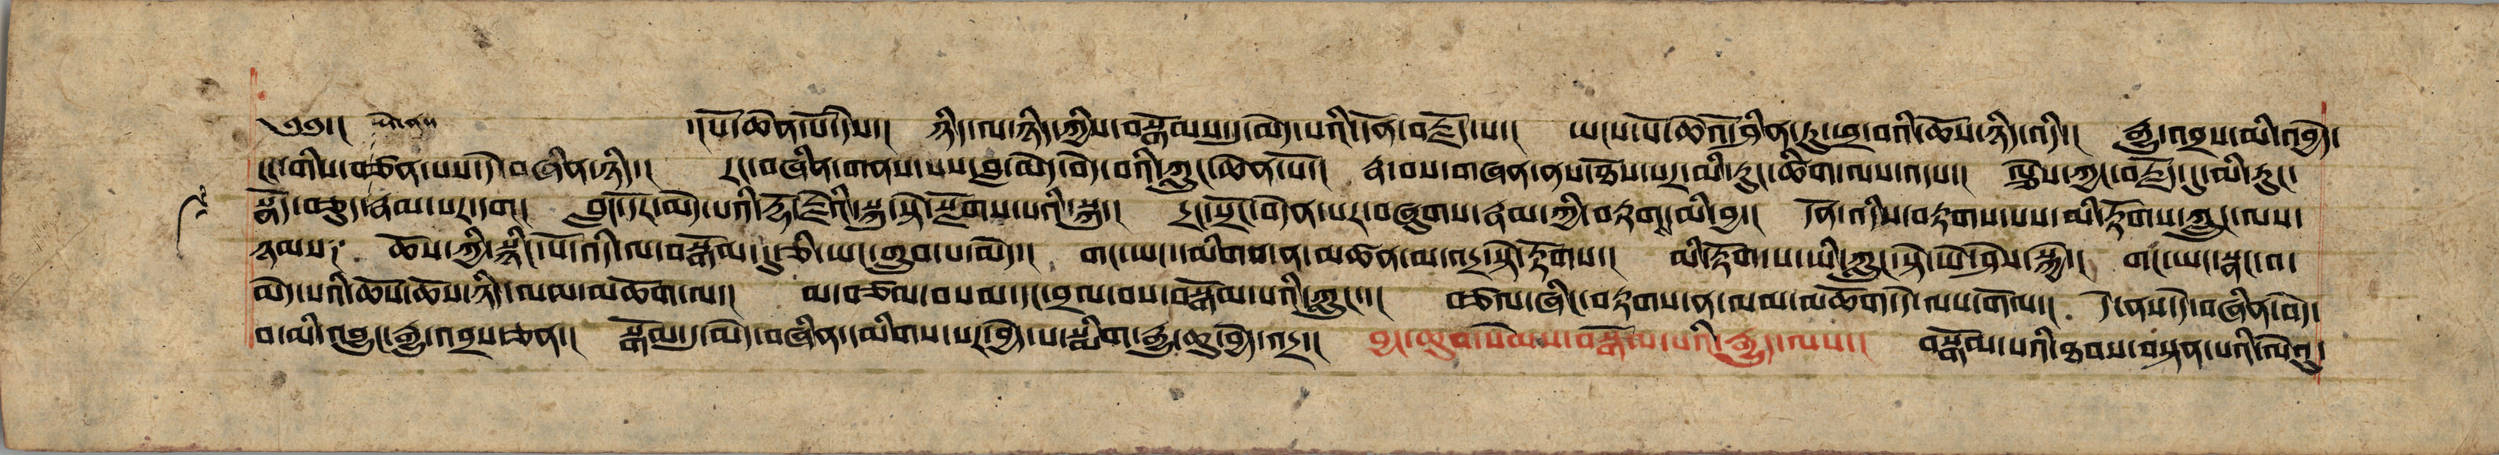༄༅་། ཡེ་ནས་། ་ངཔོ་ཆེན་པོ་དེས་། ཉིད་ལ་ཉིད་ཀྱིས་བསྒོམས་དུ་མེད་པའི་དོན་བརྗོད་པ་། ཡངས་པོ་ཆེའོ་ཤིན་ཏུ་ཕྲ་བའི་ཆོས་ཉིད་འདི་། རྒྱུ་འབྲས་མི་འབྱེད་
ངང་གིས་བཙན་པས་དེ་བཞིན་ཉིད་། རང་བཞིན་གནས་པས་བླ་མེད་བདེ་བའི་ཀླུང་ཆེན་པོ་། རྣ་བས་གཞན་ནས་ཐོས་པར་མི་རུང་ཚིག་ལས་འདས་། ལྕེས་ཀྱང་བརྗོད་དུ་མི་རུང་
སྣོད་བཅུ་རྣམ་པར་དག། བླང་དོར་མེད་པའི་རྡོ་རྗེའི་སྐུ་སྟེ་སྫོགས་པའི་སྐུ་། དྲང་སྲོང་བདེན་པར་བཞུགས་རྣམ་ཀྱི་བརྟགས་མི་བྱ་། དོན་འདིས་བརྟགས་པས་མི་རྟོགས་ཀླུང་ལས་
ཉམས༑ ཆོས་ཀྱི་སྙིང་པོ་འདི་ལ་བསྒོམ་དུ་ཅི་ཡང་གྲུབ་པ་མེད་། གང་ཡང་དམིགས་ན་མཚན་མ་འདྲ་སྟེ་རྟོགས་། མི་རྟོག་པ་ཡི་ཀླུང་སྟེ་ཡེ་ཤེས་སྐྱེ་། གང་ཡང་སྣང་བ་
མེད་པའི་ཆོས་ཆོས་ཉིད་ལམ་མཆོག་ལ་། མ་བཅོས་བསམ་དང་བྲལ་བས་བསྒོམ་པའི་ཀླུང་་། བཙལ་ཞིང་བརྟགས་ན་ལམ་མཆོག་དེ་ལས་གོལ་། དེ་ན་དེ་བཞིན་བདེ་
བ་མི་འབྱུང་རྒྱུ་འབྲས་ཅན་། སྒོམ་དུ་མེད་བཞིན་དམིགས་པར་བྱེད་པ་སྨིག་རྒྱུ་ཆུ་བྱེད་འདྲ་། བྱང་ཆུབ་སེམས་བསྒོམ་པའི་རྒྱུད་ལས་། བསྒོམ་པའི་ཐབས་བསྟན་པའི་ལེའུ་